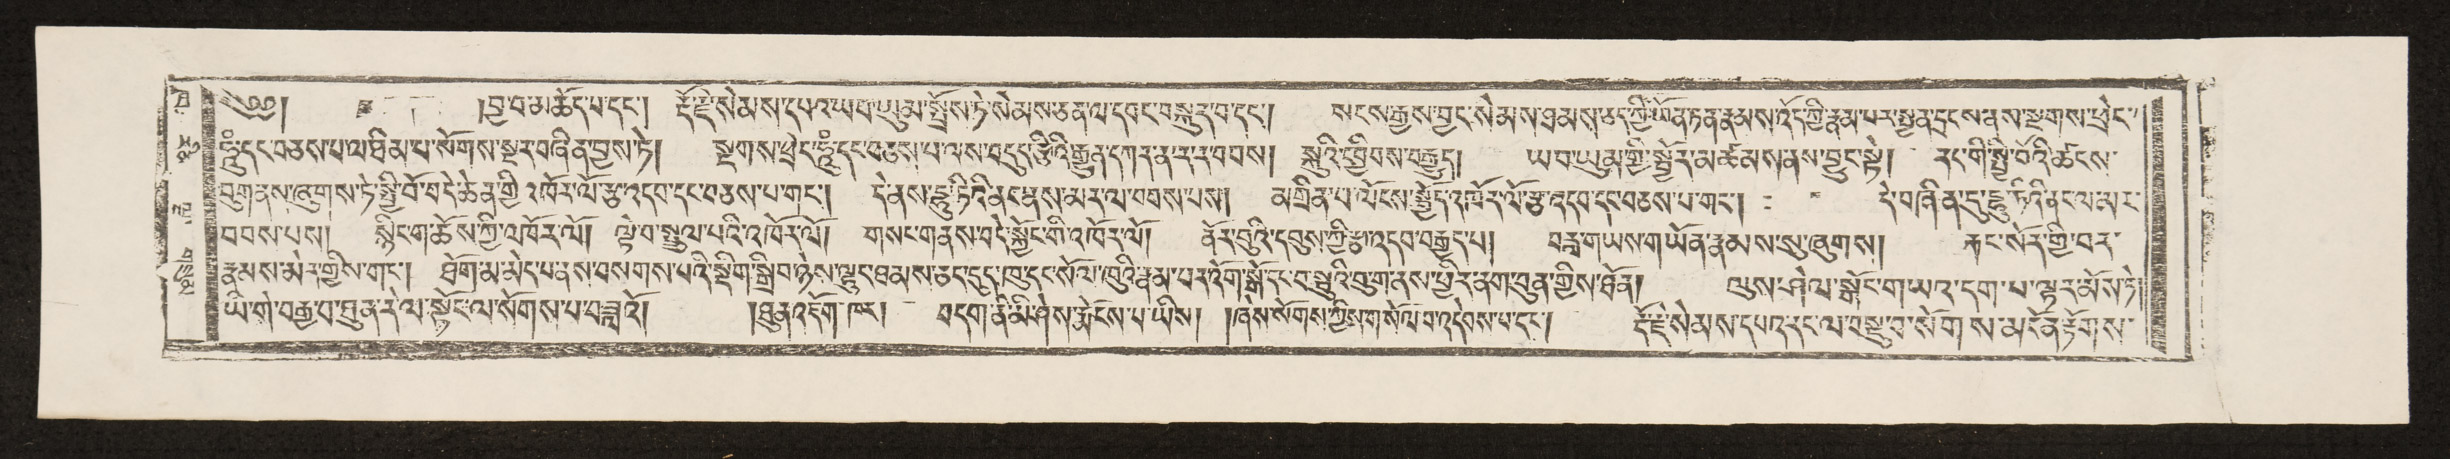༄༅། །བྱ་བ་མཆོད་པ་དང་། རྡོ་རྗེ་སེམས་དཔའ་ཡབ་ཡུམ་སྤྲོས་ཏེ་སེམས་ཅན་ལ་དབང་བསྐུར་བ་དང་། སངས་རྒྱས་བྱང་སེམས་ཐམས་ཅད་ཀྱི་ཡོན་ཏན་རྣམས་འོད་ཀྱི་རྣམ་པར་སྤྱན་དྲངས་ནས་སྔགས་ཕྲེང་
ཧཱུཾ་དང་བཅས་པ་ལ་ཐིམ་པ་སོགས་སྔར་བཞིན་བྱས་ཏེ། སྔགས་ཕྲེང་ཧཱུཾ་དང་བཅས་པ་ལས་བདུད་རྩིའི་རྒྱུན་དཀར་ནར་རབ་བས། སྐུའི་དབྱིབས་བརྒྱུད། ཡབ་ཡུམ་གྱི་སྦྱོར་མཚམས་ནས་ཕྱུང་སྟེ། རང་གི་སྤྱི་བོའི་ཚངས་
བུག་ནས་ཞུགས་ཏེ་སྤྱི་བོ་བདེ་ཆེན་གྱི་འཁོར་ལོ་རྩ་འདབ་དང་བཅས་པ་གང་། དེ་ནས་དྷཱུ་ཏིའི་ནང་ནས་མར་ལ་བབས་པས། མགྲིན་པ་ལོངས་སྤྱོད་འཁོར་ལོ་རྩ་འདབ་དང་བཅས་པ་གང་། དེ་བཞིན་དུ་དྷུ་ཏིའི་ནང་ལ་མར་
བབས་པས། སྙིང་ག་ཆོས་ཀྱི་འཁོར་ལོ། ལྟེ་བ་སྤྲུལ་བའི་འཁོར་ལོ། གསང་གནས་བདེ་སྐྱོང་གི་འཁོར་ལོ། ནོར་བུའི་དབུས་ཀྱི་རྩ་འདབ་བརྒྱད་པ། བརླག་གཡས་གཡོན་རྣམས་སུ་ཞུགས། རྐང་སོར་གྱི་བར་
རྣམས་མེར་གྱིས་གང་། ཐོག་མ་མེད་པ་ནས་བསགས་པའི་སྡིག་སྒྲིབ་ཉེས་ལྟུང་ཐམས་ཅད་དུད་ཁུ་དང་སོལ་ཁུའི་རྣམ་པར་འོག་སྒོ་དང་བ་སྤུའི་བུག་ནས་ཕྱིར་ནག་བུན་གྱིས་ཐོན། ལུས་ཤེལ་སྒོང་གཡའ་དག་པ་ལྟར་
མོས་ཏེ། ཡི་གེ་བརྒྱ་བ་ཐུན་རེ་ལ་སྟོང་ལ་སོགས་པ་བཟླའོ། །ཐུན་འཇོག་ཁར། བདག་ནི་མི་ཤེས་རྨོངས་པ་ཡིས། །ཞེས་སོགས་ཀྱིས་གསོལ་བ་འདེབས་པ་དང་། རྡོ་རྗེ་སེམས་དཔའ་རང་ལ་བསྡུ་བ་སོགས་མངོན་